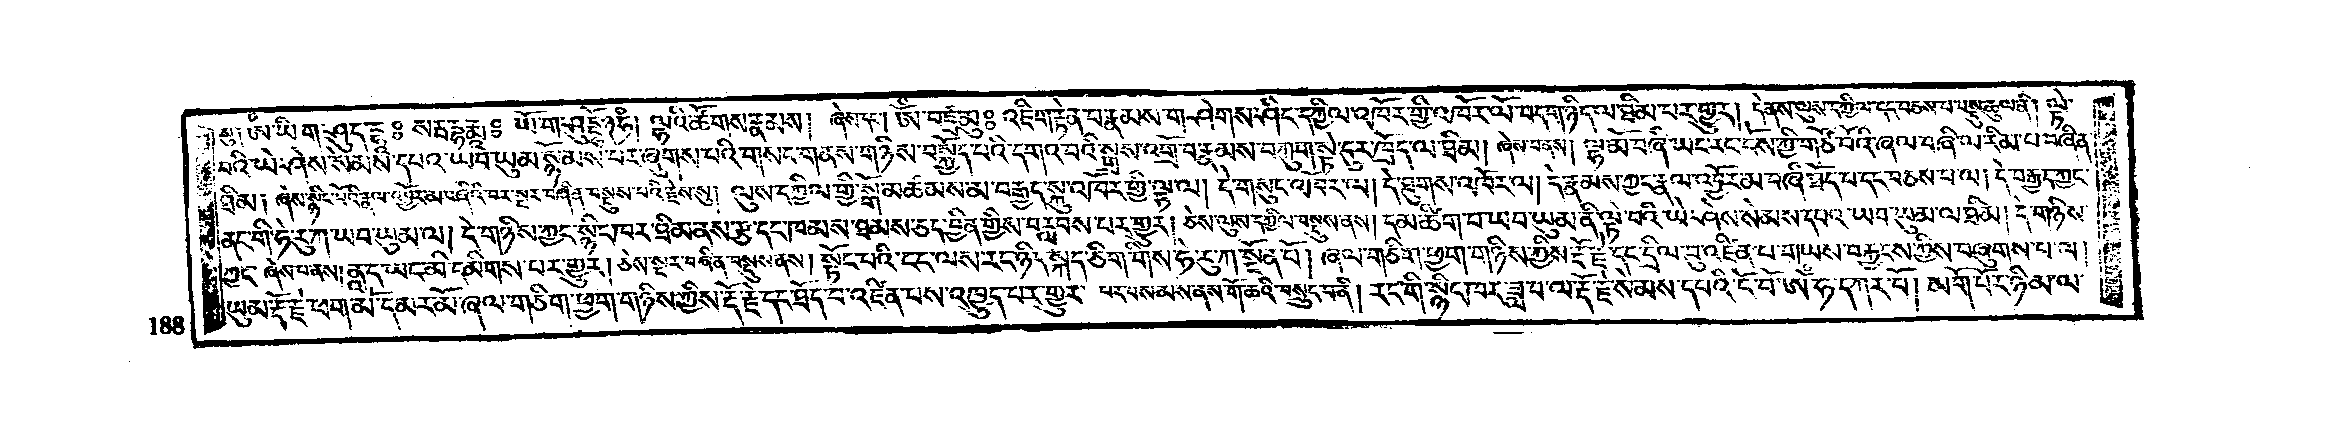སུ། ཨོཾ་ཡེ་ག་ཤུད་དྷཱཿ སརྦ་དྷརྨཱཿ ཡོ་ག་ཤུདྡྷོ་ཉཧཾ། ལྷའི་ཚོགས་རྣམས། ཞེས་དང་།  ཨོཾ་བཛྲ་མུཿ འཇིག་རྟེན་པ་རྣམས་གཤེགས་ཤིང་དཀྱིལ་འཁོར་གྱི་འཁོར་ལོ་བདག་ཉིད་ལ་ཐིམ་པར་གྱུར། དེ་ནས་ལུས་དཀྱིལ་དང་བཅས་པ་བསྡུ་ཚུལ་ནི།  ལྟེ་
བའི་ཡེ་ཤེས་སེམས་དཔའ་ཡབ་ཡུམ་སྙོམས་པར་ཞུགས་པའི་གསང་གནས་གཉིས་བསྐྱོད་པའི་དགའ་བའི་སྒྲས་འགྲོ་བ་རྣམས་བཀུག་སྟེ་དུར་ཁྲོད་ལ་ཐིམ། ཞེས་པ་ནས།  ལྷ་མོ་བཞི་ཡང་རང་ངོས་ཀྱི་གཙོ་བོའི་ཞལ་བཞི་ལ་རིམ་པ་བཞིན་
ཐིམ། ཞེས་སྙིང་པོའི་རྣལ་འབྱོར་མ་བཞིའི་བར་སྔར་བཞིན་བསྡུས་པའི་རྗེས་སུ།  ལུས་དཀྱིལ་གྱི་སྒོ་མཚམས་མ་བརྒྱད་སྐུ་འཁོར་གྱི་ལྷ་ལ། དེ་གསུང་འཁོར་ལ། དེ་ཐུགས་འཁོར་ལ། དེ་རྣམས་ཀྱང་རྣལ་འབྱོར་མ་བཞི་ཐོད་པ་དང་བཅས་པ་ལ། དེ་བརྒྱད་ཀྱང་
ནང་གི་ཧེ་རུ་ཀ་ཡབ་ཡུམ་ལ། དེ་གཉིས་ཀྱང་སྙིང་ཁར་ཐིམ་ནས་རྩ་དང་ཁམས་ཐམས་ཅད་བྱིན་གྱིས་བརླབས་པར་གྱུར། ཅེས་ལུས་དཀྱིལ་བསྡུས་ནས།  དམ་ཚིག་བ་ཡབ་ཡུམ་ནི་ལྟེ་བའི་ཡེ་ཤེས་སེམས་དཔའ་ཡབ་ཡུམ་ལ་ཐིམ། དེ་གཉིས་
ཀྱང་ཞེས་པ་ནས།  ནཱ་ད་ཡང་མི་དམིགས་པར་གྱུར། ཅེས་སྔར་བཞིན་བསྡུས་ནས།  སྟོང་པའི་ངང་ལས་རང་ཉིད་སྐད་ཅིག་གིས་ཧེ་རུ་ཀ་སྔོན་པོ། ཞལ་གཅིག་ཕྱག་གཉིས་ཀྱིས་རྡོ་རྗེ་དང་དྲིལ་བུ་འཛིན་པ་གཡས་བརྐྱངས་ཀྱིས་བཞུགས་པ་ལ།
ཡུམ་རྡོ་རྗེ་ཕག་མོ་དམར་མོ་ཞལ་གཅིག་ཕྱག་གཉིས་ཀྱིས་རྡོ་རྗེ་དང་ཐོད་པ་འཛིན་པས་འཁྱུད་པར་གྱུར་པར་བསམས་ནས་གོ་ཆའི་བསྲུང་བ་ནི།  རང་གི་སྙིང་ཁར་ཟླ་བ་ལ་རྡོ་རྗེ་སེམས་དཔའི་ངོ་བོ་ཨོཾ་ཧ་དཀར་པོ། མགོ་བོར་ཉི་མ་ལ་